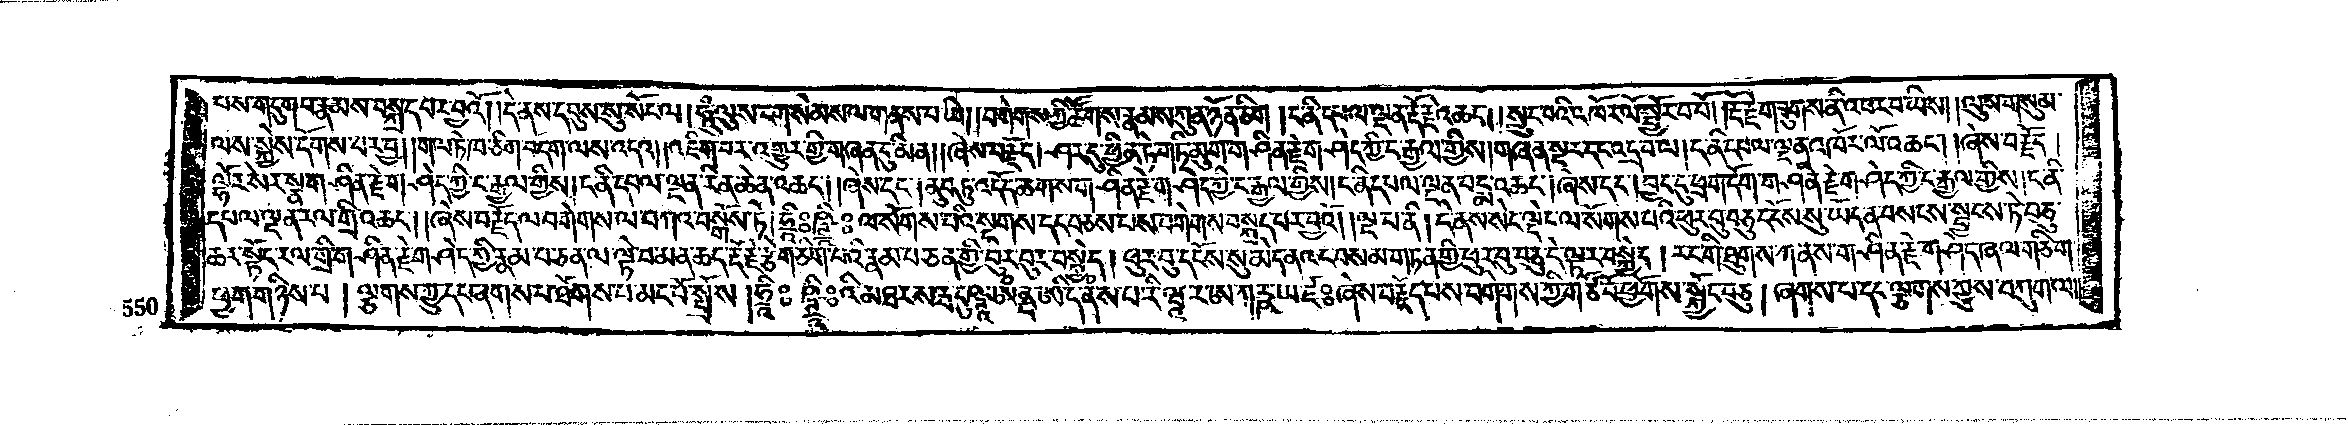པས་གདུག་པ་རྣམས་བསྐྲད་པར་བྱའོ། །དེ་ནས་དབུས་སུ་སོང་ལ། ཧཱུཾ་ལུས་ངག་སེམས་ལ་གནས་པ་ཡི། །བགེགས་ཀྱི་ཚོགས་རྣམས་ཀུན་ཉོན་ཅིག །ང་ནི་དཔའ་ལྡན་རྡོ་རྗེ་འཆང་། །སྲུང་བའི་འཁོར་ལོ་སྦྱོར་བ་པོ། །རྡོ་རྗེ་གཟུགས་ནི་འབར་བ་ཡིས། །ལུས་གསུམ་
ལས་སྐྱེས་དགས་པར་བྱ། །གལ་ཏེ་ཁ་ཅིག་བདག་ལས་འདའ། །འཇིག་པར་འགྱུར་གྱི་གཞན་དུ་མིན། །ཞེས་བརྗོད། ཤར་དུ་ཕྱིན་ཏེ་གཏི་མུག་གཤིན་རྗེ་གཤེད་ཀྱི་ང་རྒྱལ་གྱིས། གཞན་སྔར་དང་འདྲ་བ་ལ། ང་ནི་དཔལ་ལྡན་འཁོར་ལོ་འཆང་། །ཞེས་བརྗོད།
ལྷོར་སེར་སྣ་གཤིན་རྗེ་གཤེད་ཀྱི་ང་རྒྱལ་གྱིས། ང་ནི་དཔལ་ལྡན་རིན་ཆེན་འཆང་། །ཞེས་དང་། ནུབ་ཏུ་འདོད་ཆགས་གཤིན་རྗེ་གཤེད་ཀྱི་ང་རྒྱལ་གྱིས། ང་ནི་དཔལ་ལྡན་པདམ་འཆང་། ཞེས་དང་། བྱང་དུ་ཕྲག་དག་གཤིན་རྗེ་གཤེད་ཀྱི་ང་རྒྱལ་གྱིས། ང་ནི་
དཔལ་ལྡན་རལ་གྲི་འཆང་། །ཞེས་བརྗོད་ལ་བགེགས་ལ་བཀའ་བསྒོས་ཏེ། ཧྲཱིཿ ཥྚྲཱིཿ ལ་སོགས་པའི་སྔགས་དང་བཅས་པས་བགེགས་བསྐྲད་པར་བྱའོ། །ལྔ་པ་ནི། དེ་ནས་སེང་ལྡེང་ལ་སོགས་པའི་ཕུར་བུ་བཅུ་དངོས་སུ་ཡོད་ན་བསངས་སྦྱངས་ཏེ་བཅུ་
ཆར་སྟོད་རལ་གྲི་གཤིན་རྗེ་གཤེད་ཀྱི་རྣམ་པ་ཅན་ལ་ལྟེ་བ་མན་ཆད་རྡོ་རྗེ་རྩེ་གཅིག་པའི་རྣམ་པ་ཅན་གྱི་བུར་བུར་བསྐྱེད། ཕུར་བུ་དངོས་སུ་མེད་ནའང་བསམ་གཏན་གྱི་ཕུར་བུ་བཅུ་དེ་ལྟར་བསྐྱེད། རང་གི་ཐུགས་ཀ་ནས་གཤིན་རྗེ་གཤེད་ཞལ་གཅིག་
ཕྱག་གཉིས་པ། ལྕགས་ཀྱུ་དང་ཞགས་པ་ཐོགས་པ་མང་པོ་སྤྲོས། ཧྲཱིཿ ཥྚྲཱིཿ འི་མཐར་སརྦ་དུཥྚྚ་ཨིནྡྲ་ཨ་དི་ནི་ས་པ་རི་ཝཱ་ར་ཨ་ཀརྵ་ཡ་ཛཿ ཞེས་བརྗོད་པས་བགེགས་ཀྱི་གཙོ་བོ་ཕྱོགས་སྐྱོང་བཅུ། ཞགས་པ་དང་ལྕགས་ཀྱུས་བཀུག་ལ།